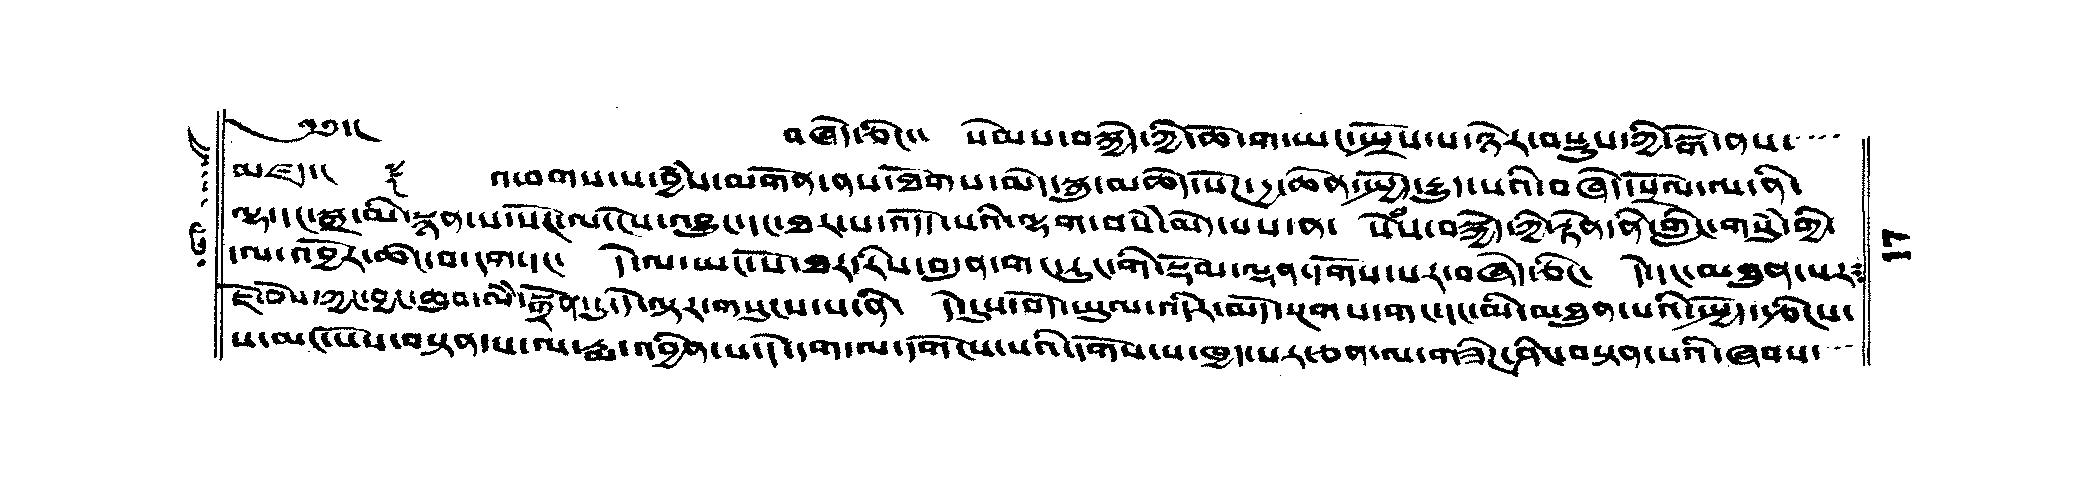བཞེད་ཅིང་། སེམས་བསྐྱེད་ཀྱི་ཆོ་ག་ཡང་སྤྲོས་པ་ཉེར་བསྡུས་ཀྱི་སྒོ་ནས་
མཛད། ༈ འཕགས་པ་བྱམས་མགོན་ནས་ཐོགས་མེད་སྐུ་མཆེད་སོགས་རྒྱ་ཆེན་སྤྱོད་རྒྱུད་པའི་བཞེད་སྲོལ་ལ་ནི་
ལྷ་དང་སྒྲ་མི་སྙན་པ་སོགས་ལ་ངེས་འབྱུང་དང་ཐར་པ་འདོད་པའི་ལྷག་བསམ་མེད་པས་ན། སེམས་བསྐྱེད་ཀྱི་རྟེན་ནི་གླིང་གསུམ་གྱི་
དལ་འབྱོར་ཚང་བ་དང་དང་། དེ་ལ་ཡང་པོ་ཐར་རིས་བདུན་གང་རུང་གི་སྡོམ་ལྡན་དགོས་པར་བཞེད་ཅིང་། དེ་དང་མཐུན་པར་
ཇོ་བོས་ཀྱང་བྱང་ཆུབ་ལམ་སྒྲོན་དུ་དེ་ལྟར་གསུངས་པ་ནི། དེ་དུས་བོད་ཡུལ་འདིར་མདོ་སྔགས་གང་དང་མི་མཐུན་པའི་སྤྱོད་རྩིངས་
པ་མང་པོས་བསྟན་པ་ལ་རྨ་འབྱིན་པ་དེ་དག་ལ་དགོངས་པའི་དགོས་པ་ཁྱད་པར་ཅན་ལ་གཟིགས་ཤིང་བསྟན་པའི་ཞབས་